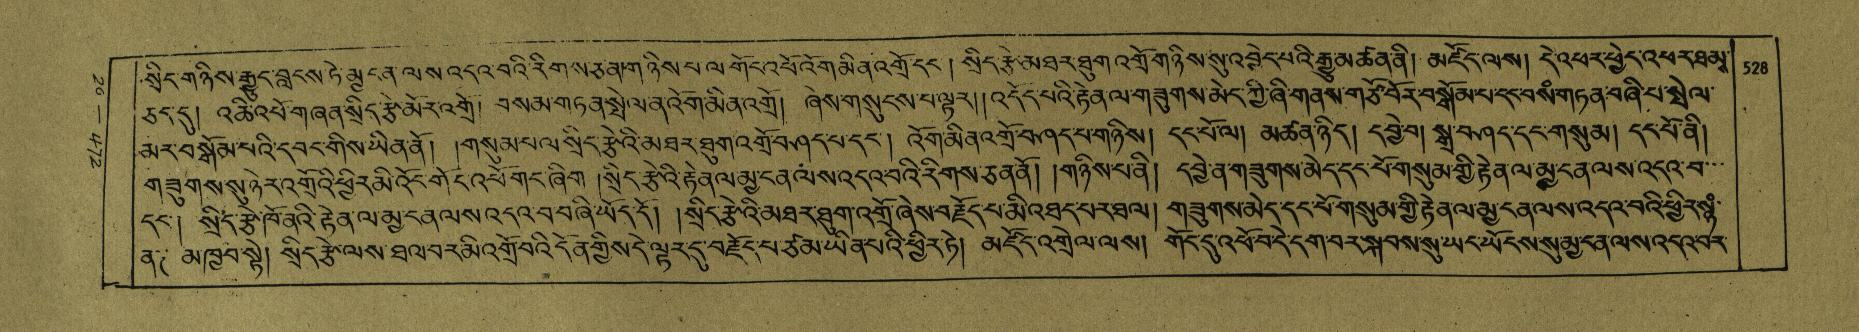སྲིད་གཉིས་རྒྱུད་བླངས་ཏེ་མྱ་ངན་ལས་འདའ་བའི་རིགས་ཅན་གཉིས་པ་ལ་གོང་འཕོ་འོག་མིན་འགྲོ་དང་། སྲིད་རྩེ་མཐར་ཐུག་འགྲོ་གཉིས་སུ་འབྱེད་པའི་རྒྱུ་མཚན་ནི། མཛོད་ལས། དེ་འཕར་ཕྱེད་འཕར་ཐམས་
ཅད་དུ། འཆི་འཕོ་གཞན་སྲིད་རྩེ་མོར་འགྲོ། བསམ་གཏན་སྤེལ་ན་འོག་མིན་འགྲོ། ཞེས་གསུངས་པ་ལྟར། །འདོད་པའི་རྟེན་ལ་གཟུགས་མེད་ཀྱི་ཞི་གནས་གཙོ་བོར་བསྒོམ་པ་དང་བསཾ་གཏན་བཞི་པ་སྦེལ་
མར་བསྒོམ་པའི་དབང་གིས་ཡིན་ནོ། །གསུམ་པ་ལ་སྲིད་རྩེའི་མཐར་ཐུག་འགྲོ་བཤད་པ་དང་། འོག་མིན་འགྲོ་བཤད་པ་གཉིས། དང་པོ་ལ། མཚན་ཉིད། དབྱེ་བ། སྒྲ་བཤད་དང་གསུམ། དང་པོ་ནི།
གཟུགས་སུ་ཉེར་འགྲོའི་ཕྱིར་མི་འོང་གོང་འཕོ་གང་ཞིག །སྲིད་རྩེའི་རྟེན་ལ་མྱ་ངན་ལས་འདའ་བའི་རིགས་ཅན་ནོ། །གཉིས་པ་ནི། དབྱེ་ན་གཟུགས་མེད་དང་པོ་གསུམ་གྱི་རྟེན་ལ་མྱ་ངན་ལས་འདའ་བ་
དང་། སྲིད་རྩེ་ཁོ་ནའི་རྟེན་ལ་མྱ་ངན་ལས་འདའ་བ་བཞི་ཡོད་དོ། །སྲིད་རྩེའི་མཐར་ཐུག་འགྲོ་ཞེས་བརྗོད་པ་མི་འཐད་པར་ཐལ། གཟུགས་མེད་དང་པོ་གསུམ་གྱི་རྟེན་ལ་མྱ་ངན་ལས་འདའ་བའི་ཕྱིར་སྙཾ་
ན༑ མ་ཁྱབ་སྟེ། སྲིད་རྩེ་ལས་ཐལ་བར་མི་འགྲོ་བའི་དོན་གྱིས་དེ་ལྟར་དུ་བརྗོད་པ་ཙམ་ཡིན་པའི་ཕྱིར་ཏེ། མཛོད་འགྲེལ་ལས། གོང་དུ་འཕོ་བ་དེ་དག་བར་སྐབས་སུ་ཡང་ཡོངས་སུ་མྱ་ངན་ལས་འདའ་བར་